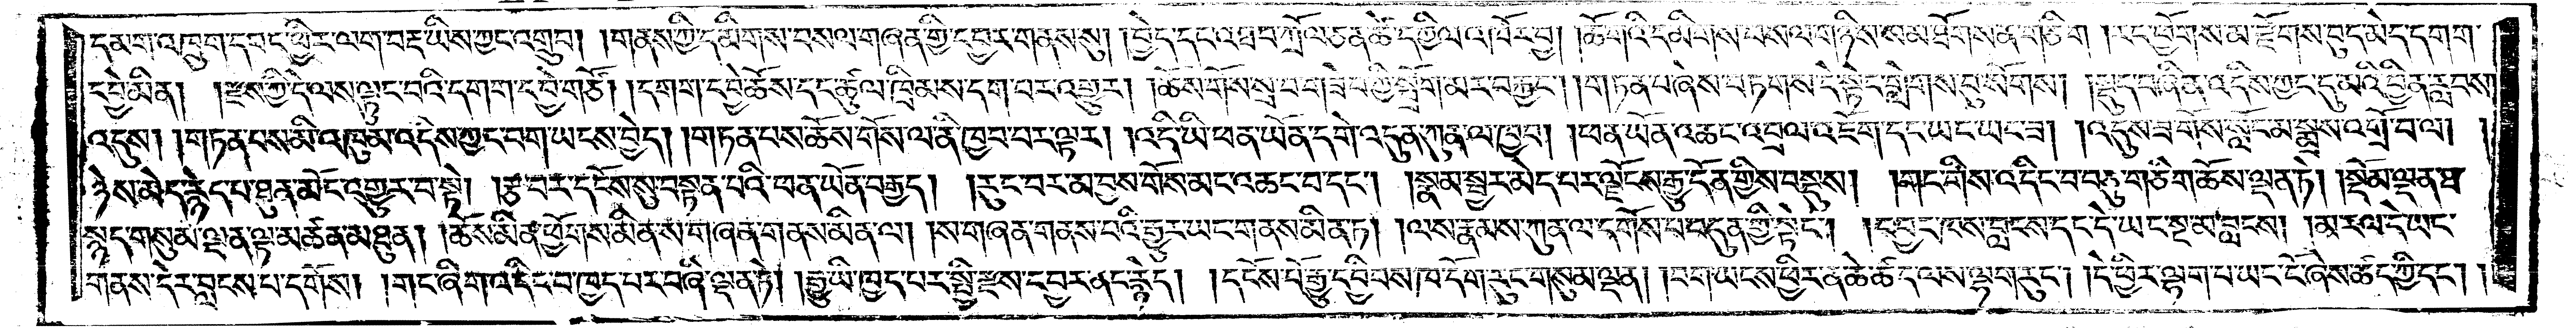དམག་འཁྲུག་དབང་ཕྱིར་ལག་བརྡ་ཡིས་ཀྱང་འགྲུབ། །གནས་ཀྱི་དམིགས་བསལ་གཞན་གྱི་དབྱར་གནས་སུ། །བྱེད་དང་འཐབ་ཀྲོལ་ཅན་ཚེ་དཀྱིལ་འཁོར་བྱ། །ཆོ་གའི་དམིགས་བསལ་གཉིས་སམ་ཐོགས་ན་གཅིག །རང་ཕྱོགས་མ་རྫོགས་བུད་མེད་དགག་
དབྱེ་མིན། །རྫས་ཀྱི་དེ་ལས་ལྟུང་བའི་དགག་དབྱེ་གཙོ། །དགག་དབྱེ་ཆོས་དང་ཚུལ་ཁྲིམས་དག་པར་འགྱུར། །ཆོས་གོས་སྲ་བ་གཟེབ་ཀྱི་སྤྲོག་མར་བརྐྱང་། །གཏན་པ་ཞེས་བཏགས་དེ་སྟེང་གླེགས་བུ་སོགས། །སྡུད་བཞིན་འདིས་ཀྱང་དུ་མའི་བྱིན་རླབས་
འདུས། །གཏན་པས་མི་འཁུམ་འདིས་ཀྱང་བག་ཡངས་བྱེད། །གཏན་པས་ཆོས་གོས་ལ་ནི་ཁྱབ་པར་ལྟར། །འདི་ཡི་ཕན་ཡོན་དགེ་འདུན་ཀུན་ལ་ཁྱབ། །ཕན་ཡོན་འཆང་འབྲལ་འཇོག་དང་ཡང་ཡང་ཟ། །འདུས་ཟ་གོས་སློང་མ་སྨྲས་འགྲོ་བ་ལ། །
ཉེས་མེད་རྙད་པ་ཐུན་མོང་འགྱུར་བ་སྟེ། །རྩ་བར་དངོས་སུ་བསྟན་བའི་ཕན་ཡོན་བརྒྱད། །རུང་བར་མ་བྱས་གོས་མང་འཆང་བ་དང་། །སྣམ་སྦྱར་མེད་བར་ལྗོངས་རྒྱུ་དོན་གྱིས་བསྡུས། །གང་གིས་འདིང་བ་བཅུ་གཅིག་ཆོས་ལྡན་ཏེ། །སྡོམ་ལྡན་ཐ་
སྙད་གསུམ་ལྡན་ལྟ་མཚན་མཐུན། །ཆོས་མིན་ཕྱོགས་མི་ནས་གཞན་གནས་མིན་ལ། །ས་གཞན་གནས་པའི་རྒྱུར་ཡང་གནས་མིན་ཏེ། །ལས་རྣམས་ཀུན་ལ་དགོས་བ་བདུན་གྱི་སྟེང་། །དབྱར་ཁས་བླངས་དང་དེ་ཡང་སྔ་མ་བླངས། །མ་རལ་དེ་ཡང་
གནས་དེར་བླངས་བ་དགོས། །གང་ཞིག་འདིང་བ་ཁྱད་པར་བཞི་ལྡན་ཏེ། །རྒྱུ་ཡི་ཁྱད་པར་སྤྱི་རྫས་དབྱར་ནང་རྙེད། །དངོས་པོ་རྒྱུ་དབྱིབས་ཁ་དོག་རུང་གསུམ་ལྡན། །བག་ཡངས་ཕྱིར་ན་ཆེ་ཚད་ལས་ལྷག་རུང་། །དེ་ཕྱིར་ལྷག་པ་ཡང་ངོ་ཞེས་ཚད་ཀྱི་དང་། །